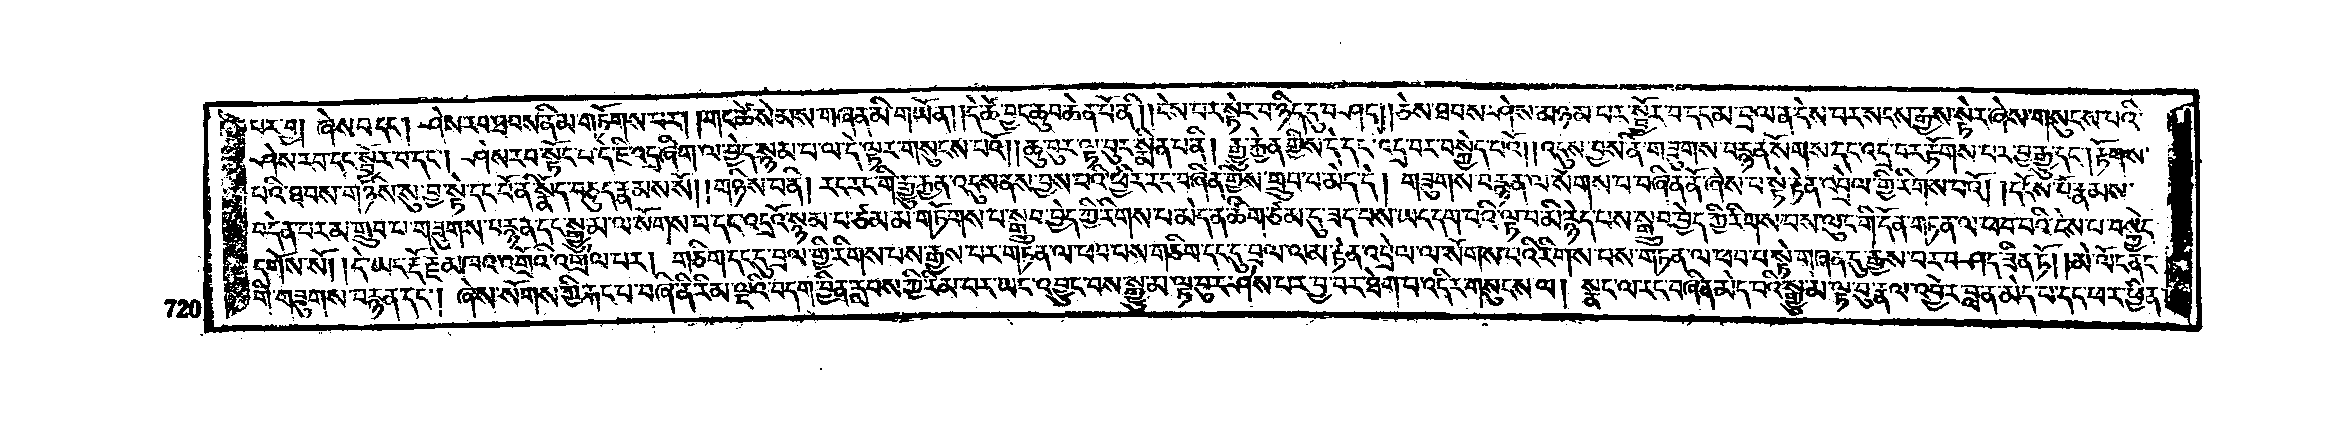པར་བྱ། ཞེས་པ་དང་། ཤེས་རབ་ཐབས་ནི་མ་གཏོགས་པར། །གང་ཚེ་སེམས་གཞན་མི་གཡོ་ན། །དེ་ཚེ་བྱང་ཆུབ་ཆེན་པོ་ནི། །ངེས་པར་སྟེར་བ་ཉིད་དུ་བཤད། །ཅེས་ཐབས་ཤེས་མཉམ་པར་སྦྱོར་བ་དང་མ་བྲལ་ན་ངེས་པར་སངས་རྒྱས་སྟེར་ཞེས་གསུངས་པའི་
ཤེས་རབ་དང་སྦྱོར་བ་དང་། ཤེས་རབ་སྟོང་པ་དེ་ཇི་འདྲ་ཞིག་ལ་བྱེད་སྙམ་པ་ལ་དེ་ལྟར་གསུངས་པའོ། །ཆུ་བུར་ལྟ་བུར་སྨིན་པ་ནི། རྒྱུ་རྐྱེན་གྱིས་དེ་དང་འདྲ་བར་བསྐྱེད་པའོ། །འདུས་བྱས་ནི་གཟུགས་བརྙན་སོགས་དང་འདྲ་བར་རྟོགས་པར་བྱ་རྒྱུ་དང་། རྟོགས་
པའི་ཐབས་གཉིས་སུ་བྱ་སྟེ་དང་པོ་ནི་སྣོད་བཅུད་རྣམས་སོ། །གཉིས་པ་ནི། རང་རང་གི་རྒྱུ་རྐྱན་འདུས་ནས་བྱས་པའི་ཕྱིར་རང་བཞིན་གྱིས་གྲུབ་པ་མེད་དེ། གཟུགས་བརྙན་ལ་སོགས་པ་བཞིན་ནོ་ཞེས་པ་སྟེ་རྟེན་འབྲེལ་གྱི་རིགས་པའོ། །དངོས་པོ་རྣམས་
བདེན་པར་མ་གྲུབ་པ་གཟུགས་བརྙན་དང་སྒྱུ་ཕ་ལ་སོགས་པ་དང་འདྲའོ་སྙམ་པ་ཙམ་མ་གཏོགས་པ་སྒྲུབ་བྱེད་ཀྱི་རིགས་པ་མེད་ན་ཚིག་ཙམ་དུ་ཟད་པས་ཡང་དག་པའི་ལྟ་བ་མི་རྙེད་པས་སྒྲུབ་བྱེད་ཀྱི་རིགས་པས་ལུང་གི་དོན་གཏན་ལ་ཕབ་པའི་ངེས་པ་བསྐྱེད་
དགོས་སོ། །དེ་ཡང་རྡོ་རྗེ་མཁའ་འགྲོའི་འགྲེལ་པར། གཅིག་དང་དུ་བྲལ་གྱི་རིགས་པས་རྒྱས་པར་གཏན་ལ་ཕབ་པས་གཅིག་དང་དུ་བྲལ་ལམ་རྟེན་འབྲེལ་ལ་སོགས་པའི་རིགས་པས་གཏན་ལ་ཕབ་པ་སྟེ་གཞན་དུ་རྒྱས་པར་བཤད་ཟིན་ཏོ། །མེ་ལོང་ནང་
གི་གཟུགས་བརྙན་དང་། ཞེས་སོགས་ཀྱི་རྐང་པ་བཞི་ནི་རིམ་ལྔའི་བདག་བྱིན་རླབས་ཀྱི་རིམ་པར་ཡང་འབྱུང་བས་སྒྱུ་མ་ལྟ་བུར་ཤེས་པར་བྱ་བར་ཐེག་པ་འདིར་གསུངས་ལ། སྣང་ལ་རང་བཞིན་མེད་པའི་སྒྱུ་མ་ལྟ་བུ་རྣལ་འབྱོར་བླ་ན་མེད་པ་དང་ཕར་ཕྱིན་